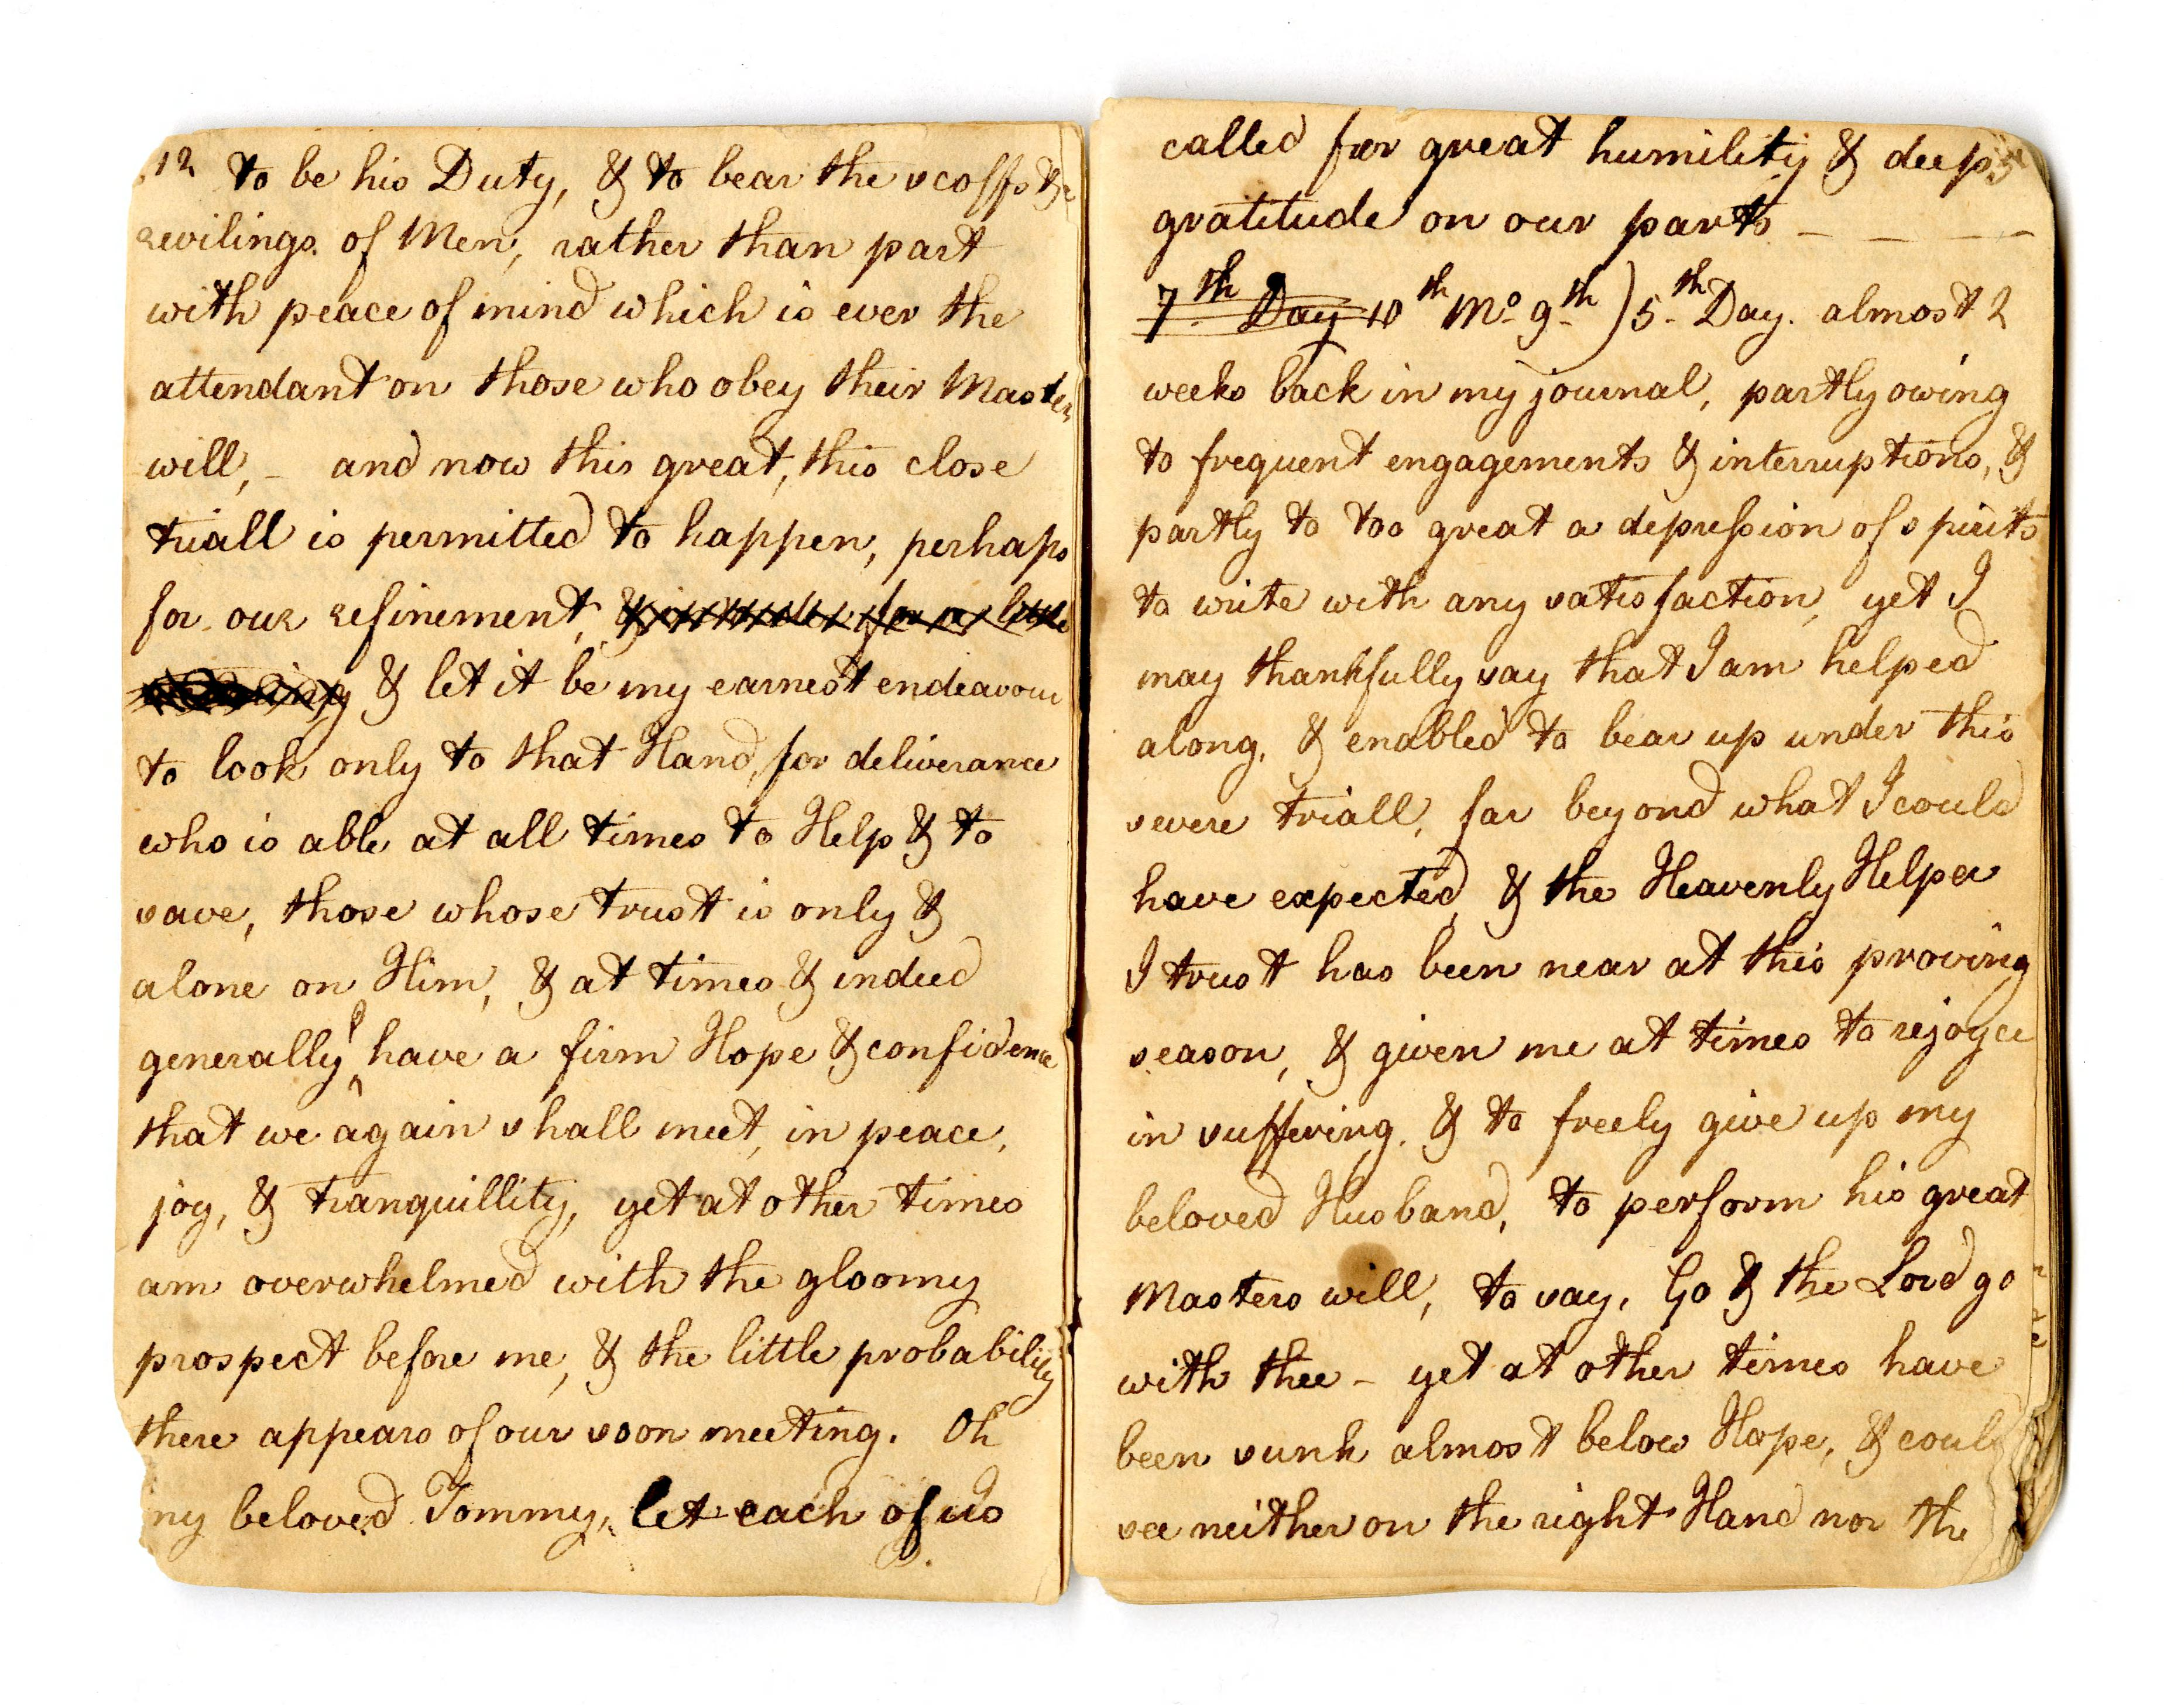12
to be his Duty, & to bear the scoffs &
revilings of Men, rather than part
with peace of mind which is ever the
attendant on those who obey their Master
will- and now this great, this close
triall is permitted to happen, perhaps
for our refinement [& ________ for a little]
[_____] & let it be my earnest endeavour
to look only to that Hand for deliverance
who is able at all times to Help & to
save, those whose trust is only &
alone on Him, & at times & indeed
generally ^I have a firm Hope & confidence
that we again shall meet, in peace
joy, & tranquillity, yet at other times
am overwhelmed with the gloomy
prospect before me & the little probability
there appears of our soon meeting. Oh
my beloved Tommy, let each of us
called for great humility & deep 5
gratitude on our parts-
[7^th Day] 10^th M^o 9^th ) 5^th Day. almost 2
weeks back in my journal, partly owing
to frequent engagements & interruptions &
partly to too great a depression of spirits
to write with any satisfaction, yet I
may thankfully say that I am helped
along, & enabled to bear up under this
severe triall far beyond what I could
have expected, & the Heavenly Helper
I trust has been near at this proving
season, & given me at times to rejoyce
in suffering. & to freely give up my
beloved Husband, to perform his great
Masters will, to say, Go & the Lord go
with thee- yet at other times have
been sunk almost below Hope, & could
see neither on the right Hand nor the